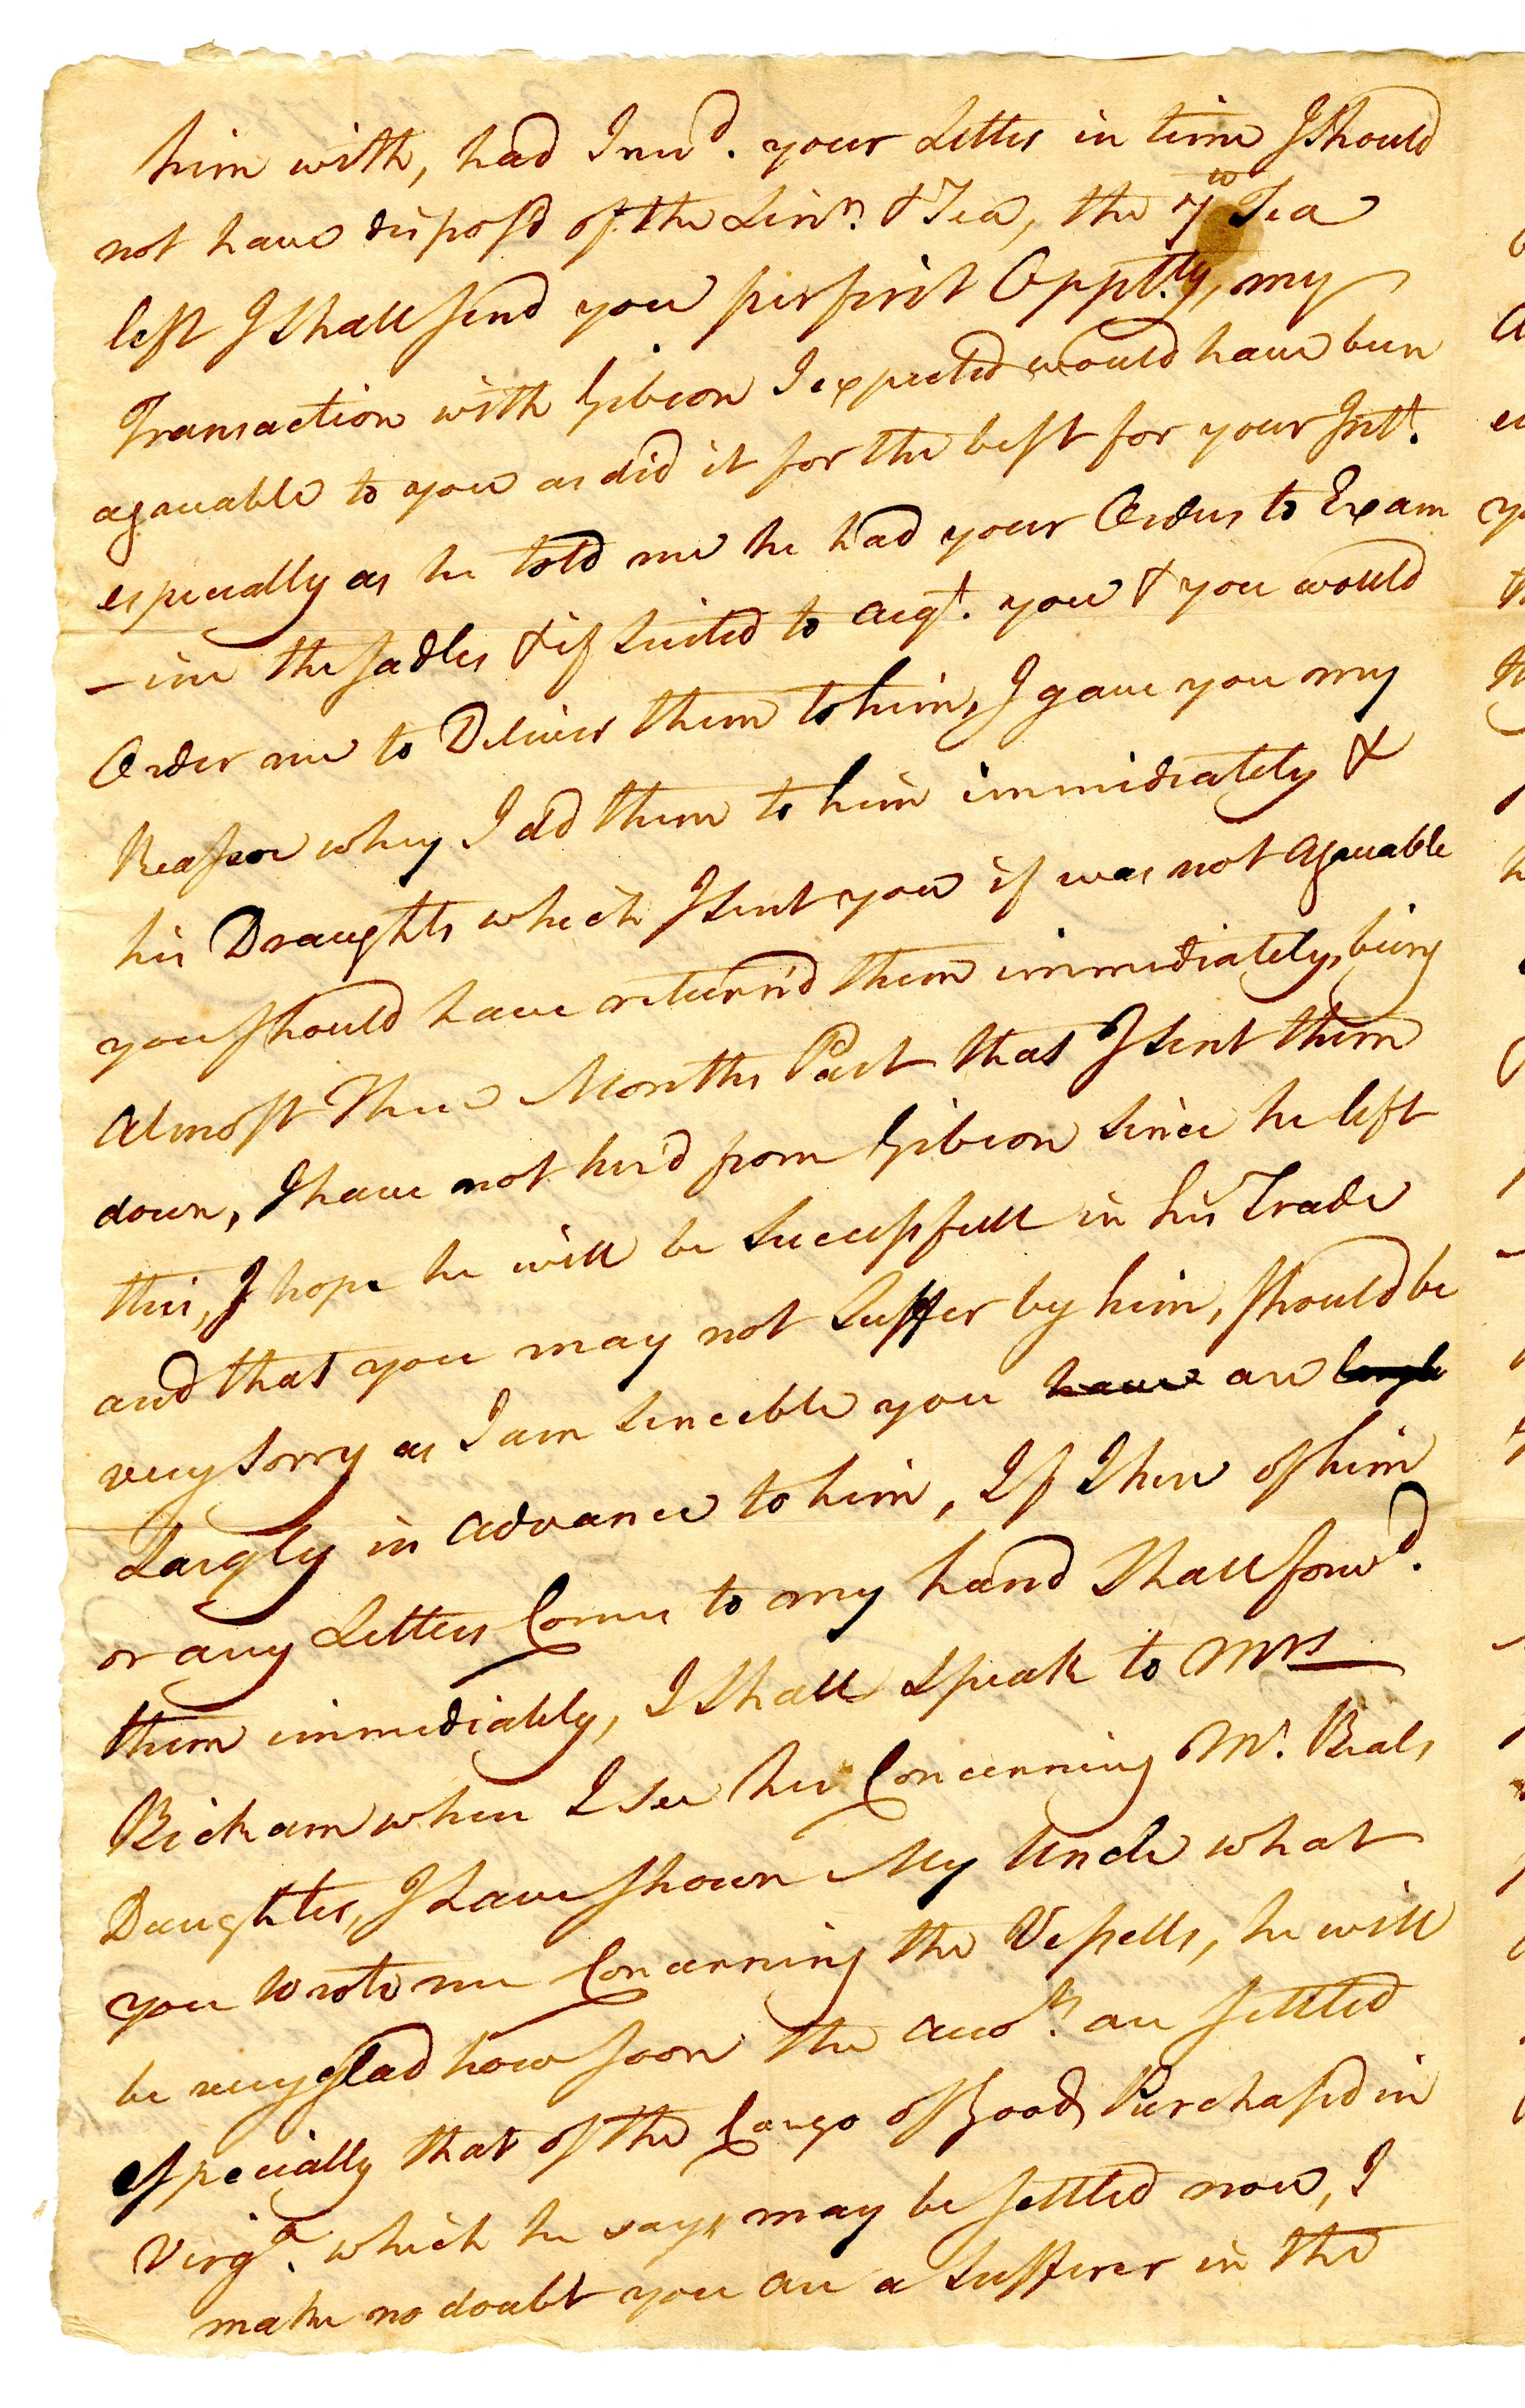him with, had I rec^d. your Letter in time I should
not have disposd of the Lin^n. & Tea, the 7^to Tea
left I shall send you per first Opp^ty my
Transaction with Gibson I expected would have been
arguable to you as did it for the best for your Int^t.
espicially as he told me he had your Orders to Exam-
-in the sadles & if decided to acq^t. you & you would
Order me to deliver them to him I gave you my
Reason why I ad them to him immediate &
his Draughts which I sent you if was not agreeable
you should have return'd them immediately, being
almoft Three Months Past that I sent them
down, I have not herd from Gibson since he left
this I hope he will be successful in his Trade
and that you may not suffer by him, should be
very sorry as I am Sencible you [____] and [____]
Largly in advance to him, If I hear of him
or any Letters come to my hand shall forw^d
them immediately, I shall speak to M^rs
Bickam when I see her Concerning M^r. Beals
Daughtes I have shown My Uncle what
you wrote me Concerning the Vessells, he will
be very glad how soon the acco^ts. are settled
especially that of the cargo of goods, Purrchased in
Virg^a. which he says may be settled now, I
make no doubt you are a Sufferer in the